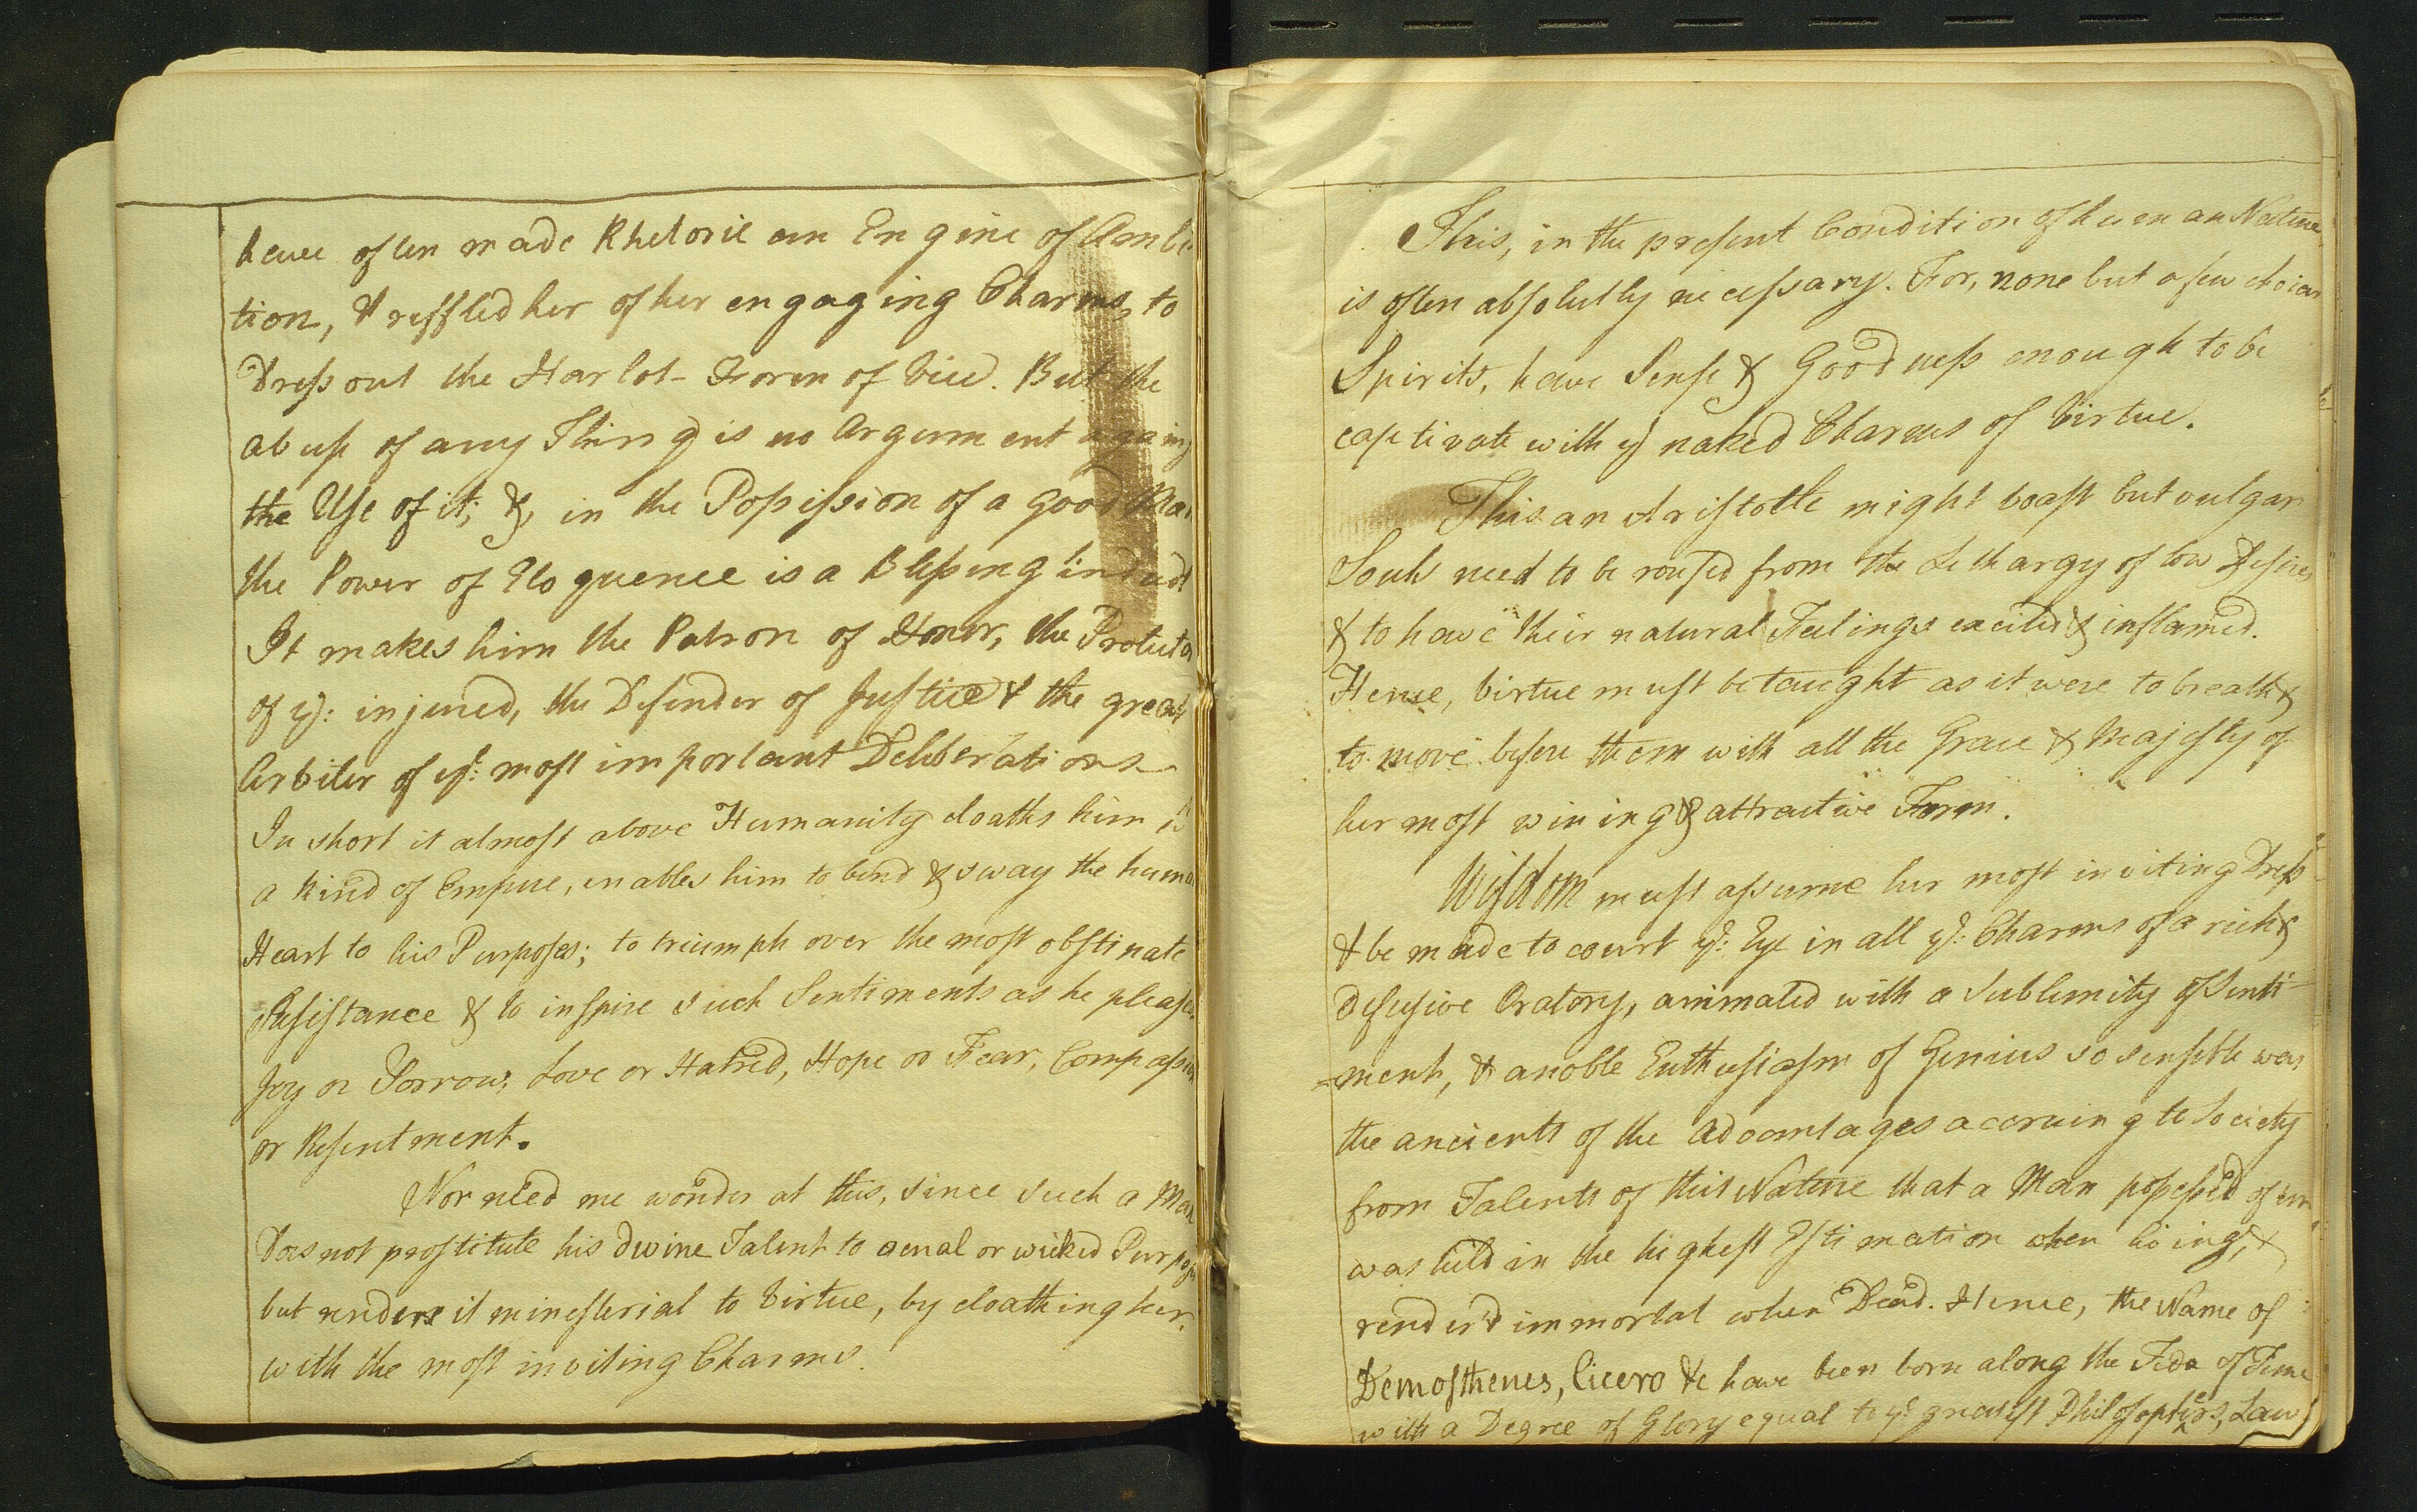have often made Rhetoric our Engine of Ambi-
-tion, & ruffled her of her engaging Charms, to
dress out the Harlot Form of Vice. But the
abuse of any Thing is no argument against
the Use of it; & in the Possession of a good Man
the Power of Eloquence is a Blessing indeed
It makes him the Person of Honor, the Protector
of y^e injured, the Defender of Justice & the great
Arbiter of y^e most important Deliberations.
In short it almost above Humanity cloathes him in
a kind of Empire, enables him to bend & sway the human
Heart to his Purposes; to triumph over the most obstinate
Resistance & to inspire such Sentiments as he pleases.
Joy or Sorrow, Love or Hatred, Hope or Fear, Compassion
or Resentment.
Nor need one wonder at this, since such a Man
does not prostitute his divine Talent to venal or wicked Purposes
but renders it minesterial to Virtue, by cloathing her
with the most inviting Charmes.
This, in the present condition of human Nature
is often absolutely necessary. For, none but a few choice
Spirits, have Sense & Goodness enough to be
captivate with y^e naked Charms of Virtues.
This an Aristotle might boast but vulgar
Souls need to be roused from the Lethargy of low Desires
& to have their natural Feelings excited & inflamed.
Hence, virtue must be taught as it were to breath &
to move before them with all the Grace & Majesty of
her most winning & attractive Form.
Wisdom must assume her most inviting Dress
& be made to court y^e: Eye in all y^e: Charmes of a rich,
Defusive Oratory, animated with a Sublimity of Senti-
ment, & a noble Enthusiasm of Genius so sensible were
the ancients of the Advantages accruing to Society
from Talents of their Nature that a Man possessed of them
was held in the hiegest Estimation when living &
render'd immortal when Dead. Hence, the Name of
Demosthenes, Cicero &c have been born along the Tide of Time
with a Degree of Glory equal to y^e greatest Philosoph^ers, Law